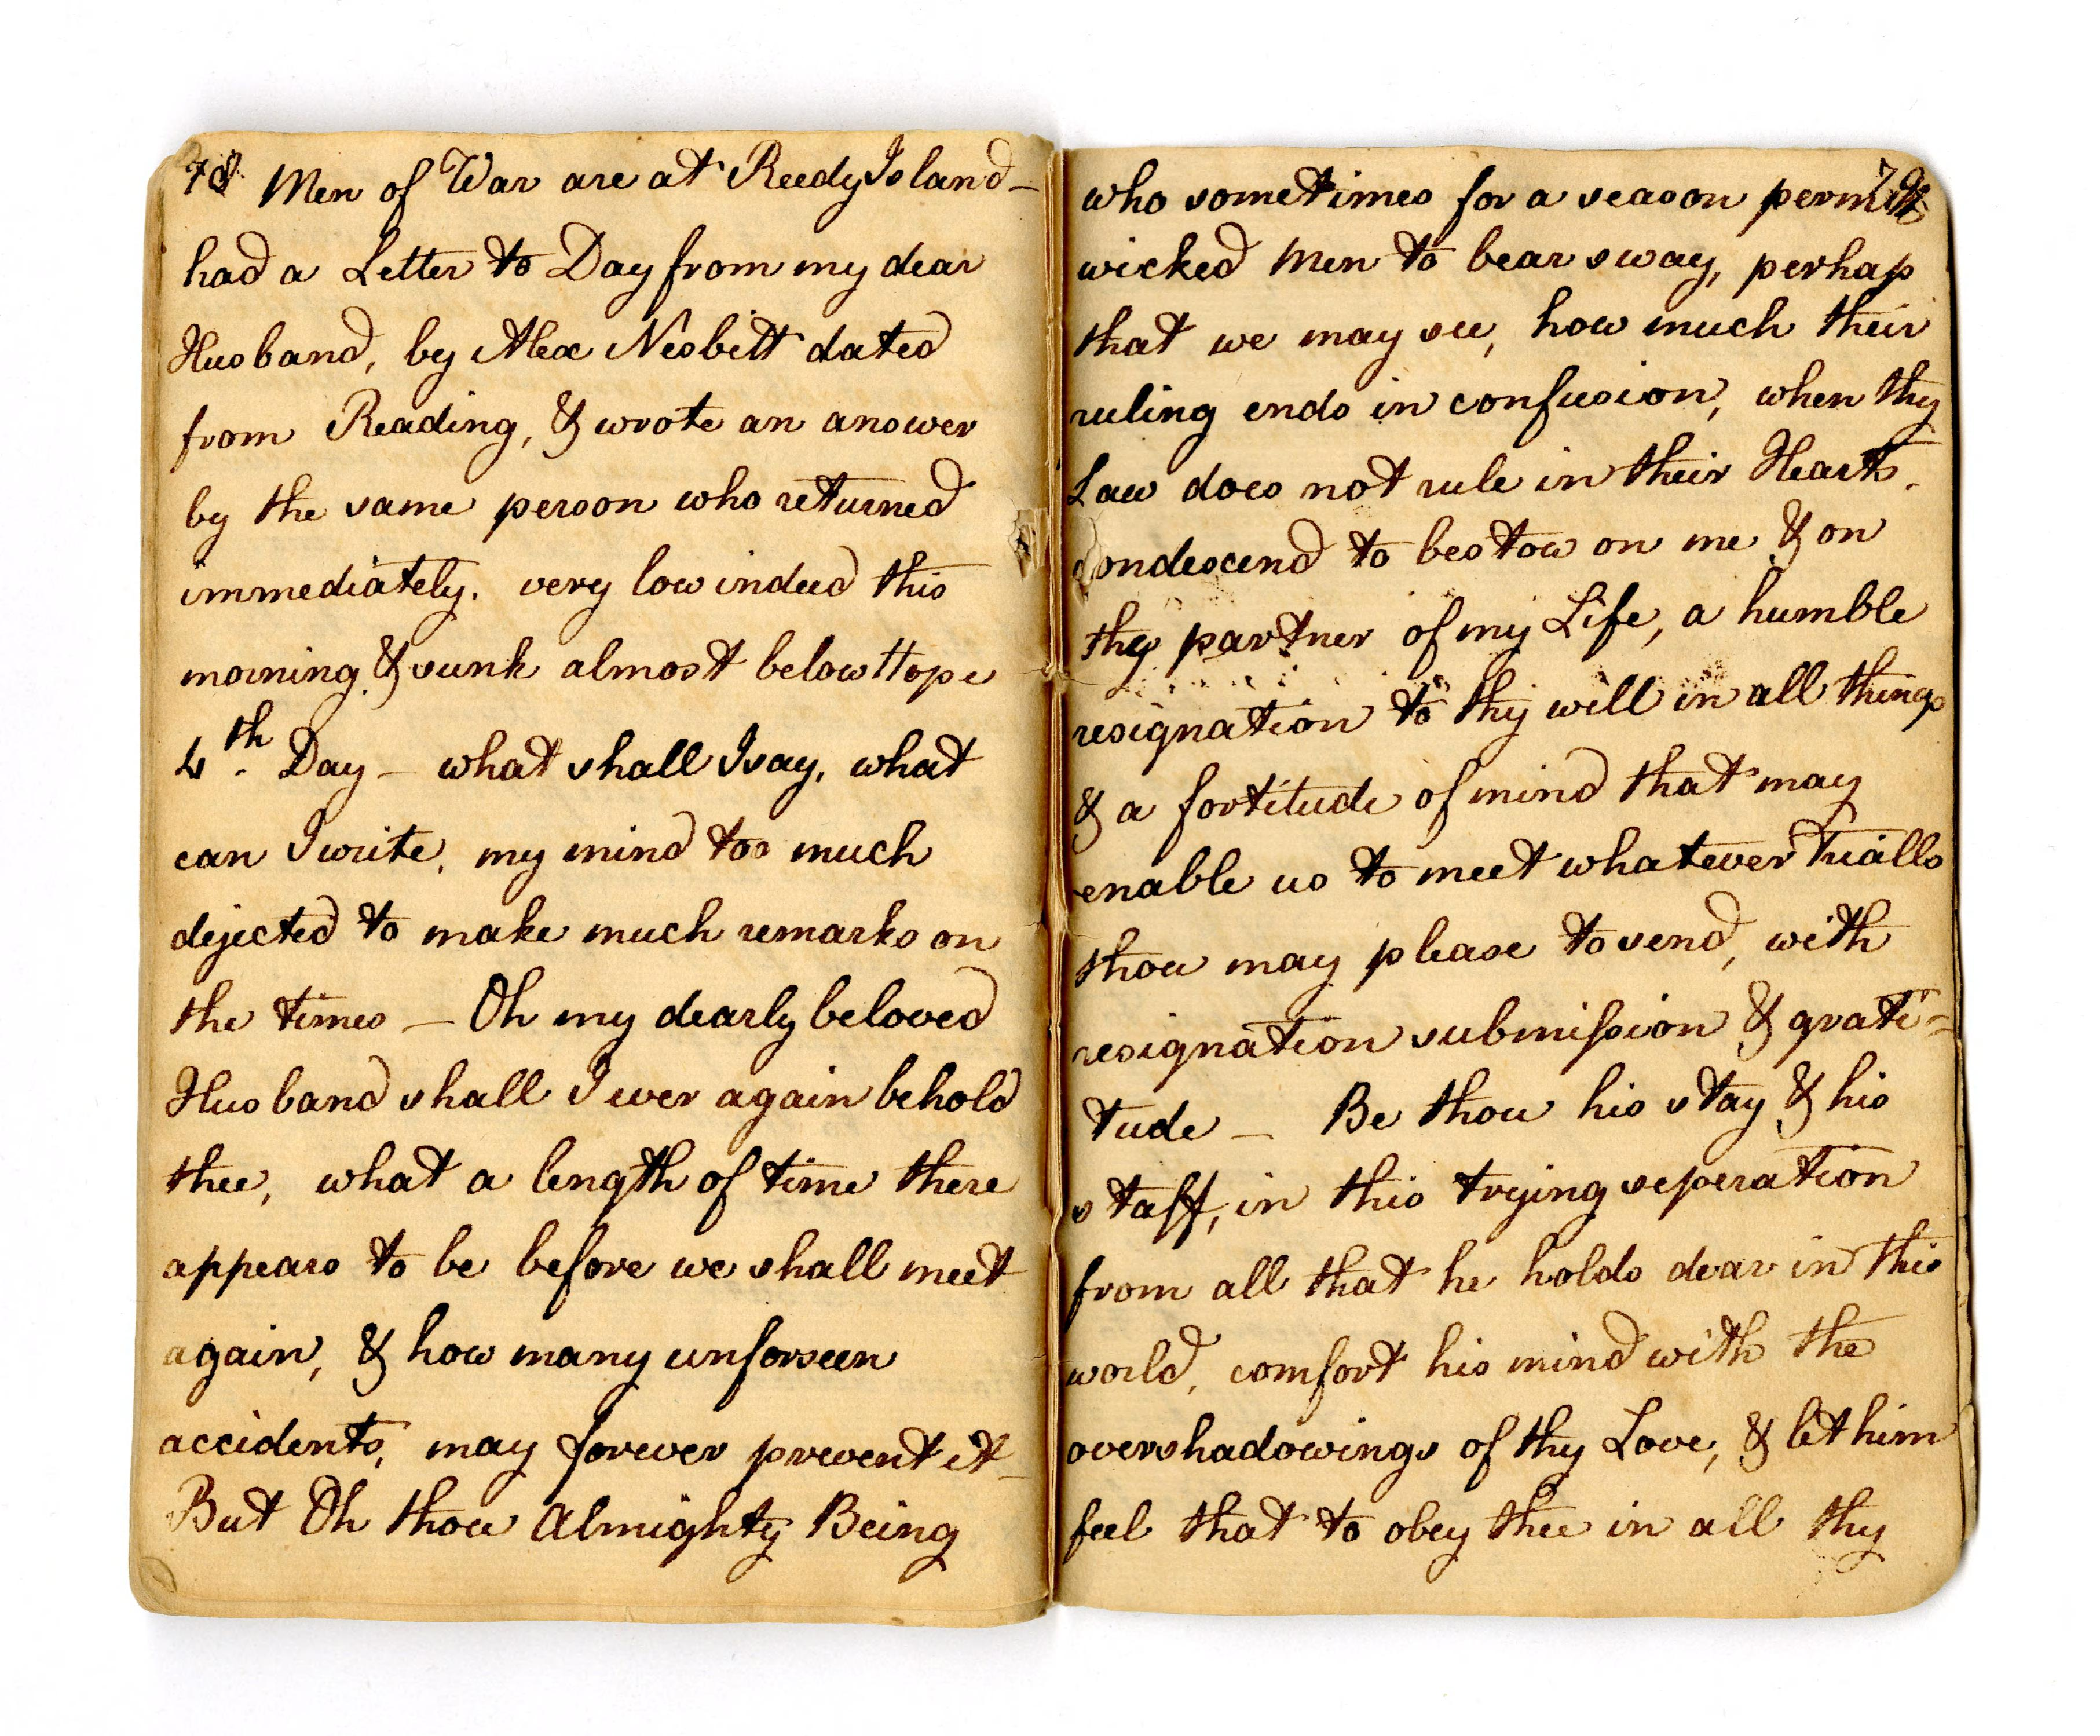Men of War are at Reedy Island-
had a Letter to Day from my dear
Husband, by Alex Nesbitt dated
from Reading, & wrote an answer
by the same person who returned
immediately. very low indeed this
morning & sunk almost below Hope
4^th. Day- what shall I say, what
can I write, my mind too much
dejected to make much remarks on
the times- Oh my dearly beloved
Husband shall I ever again behold
thee, what a length of time there
appears to be before we shall meet
again, & how many unforseen
accidents, may forever prevent it-
But Oh thou Almighty Being
who sometimes for a season permits
wicked Men to bear sway, perhap
that we may see, how much their
ruling ends in confusion, when thy
Law does not rule in their Hearts.
condescend to bestow on me & on
thy partner of my Life, a humble
resignation to thy will in all things
& a fortitude of mind that may
enable us to meet whatever trialls
thou may please to send, with
resignation submission & grati-
tude- Be thou his stay & his
staff, in this trying separation
from all that he holds dear in this
world, comfort his mind with the
overshadowings of thy Love, & let him
feel that to obey thee in all thy